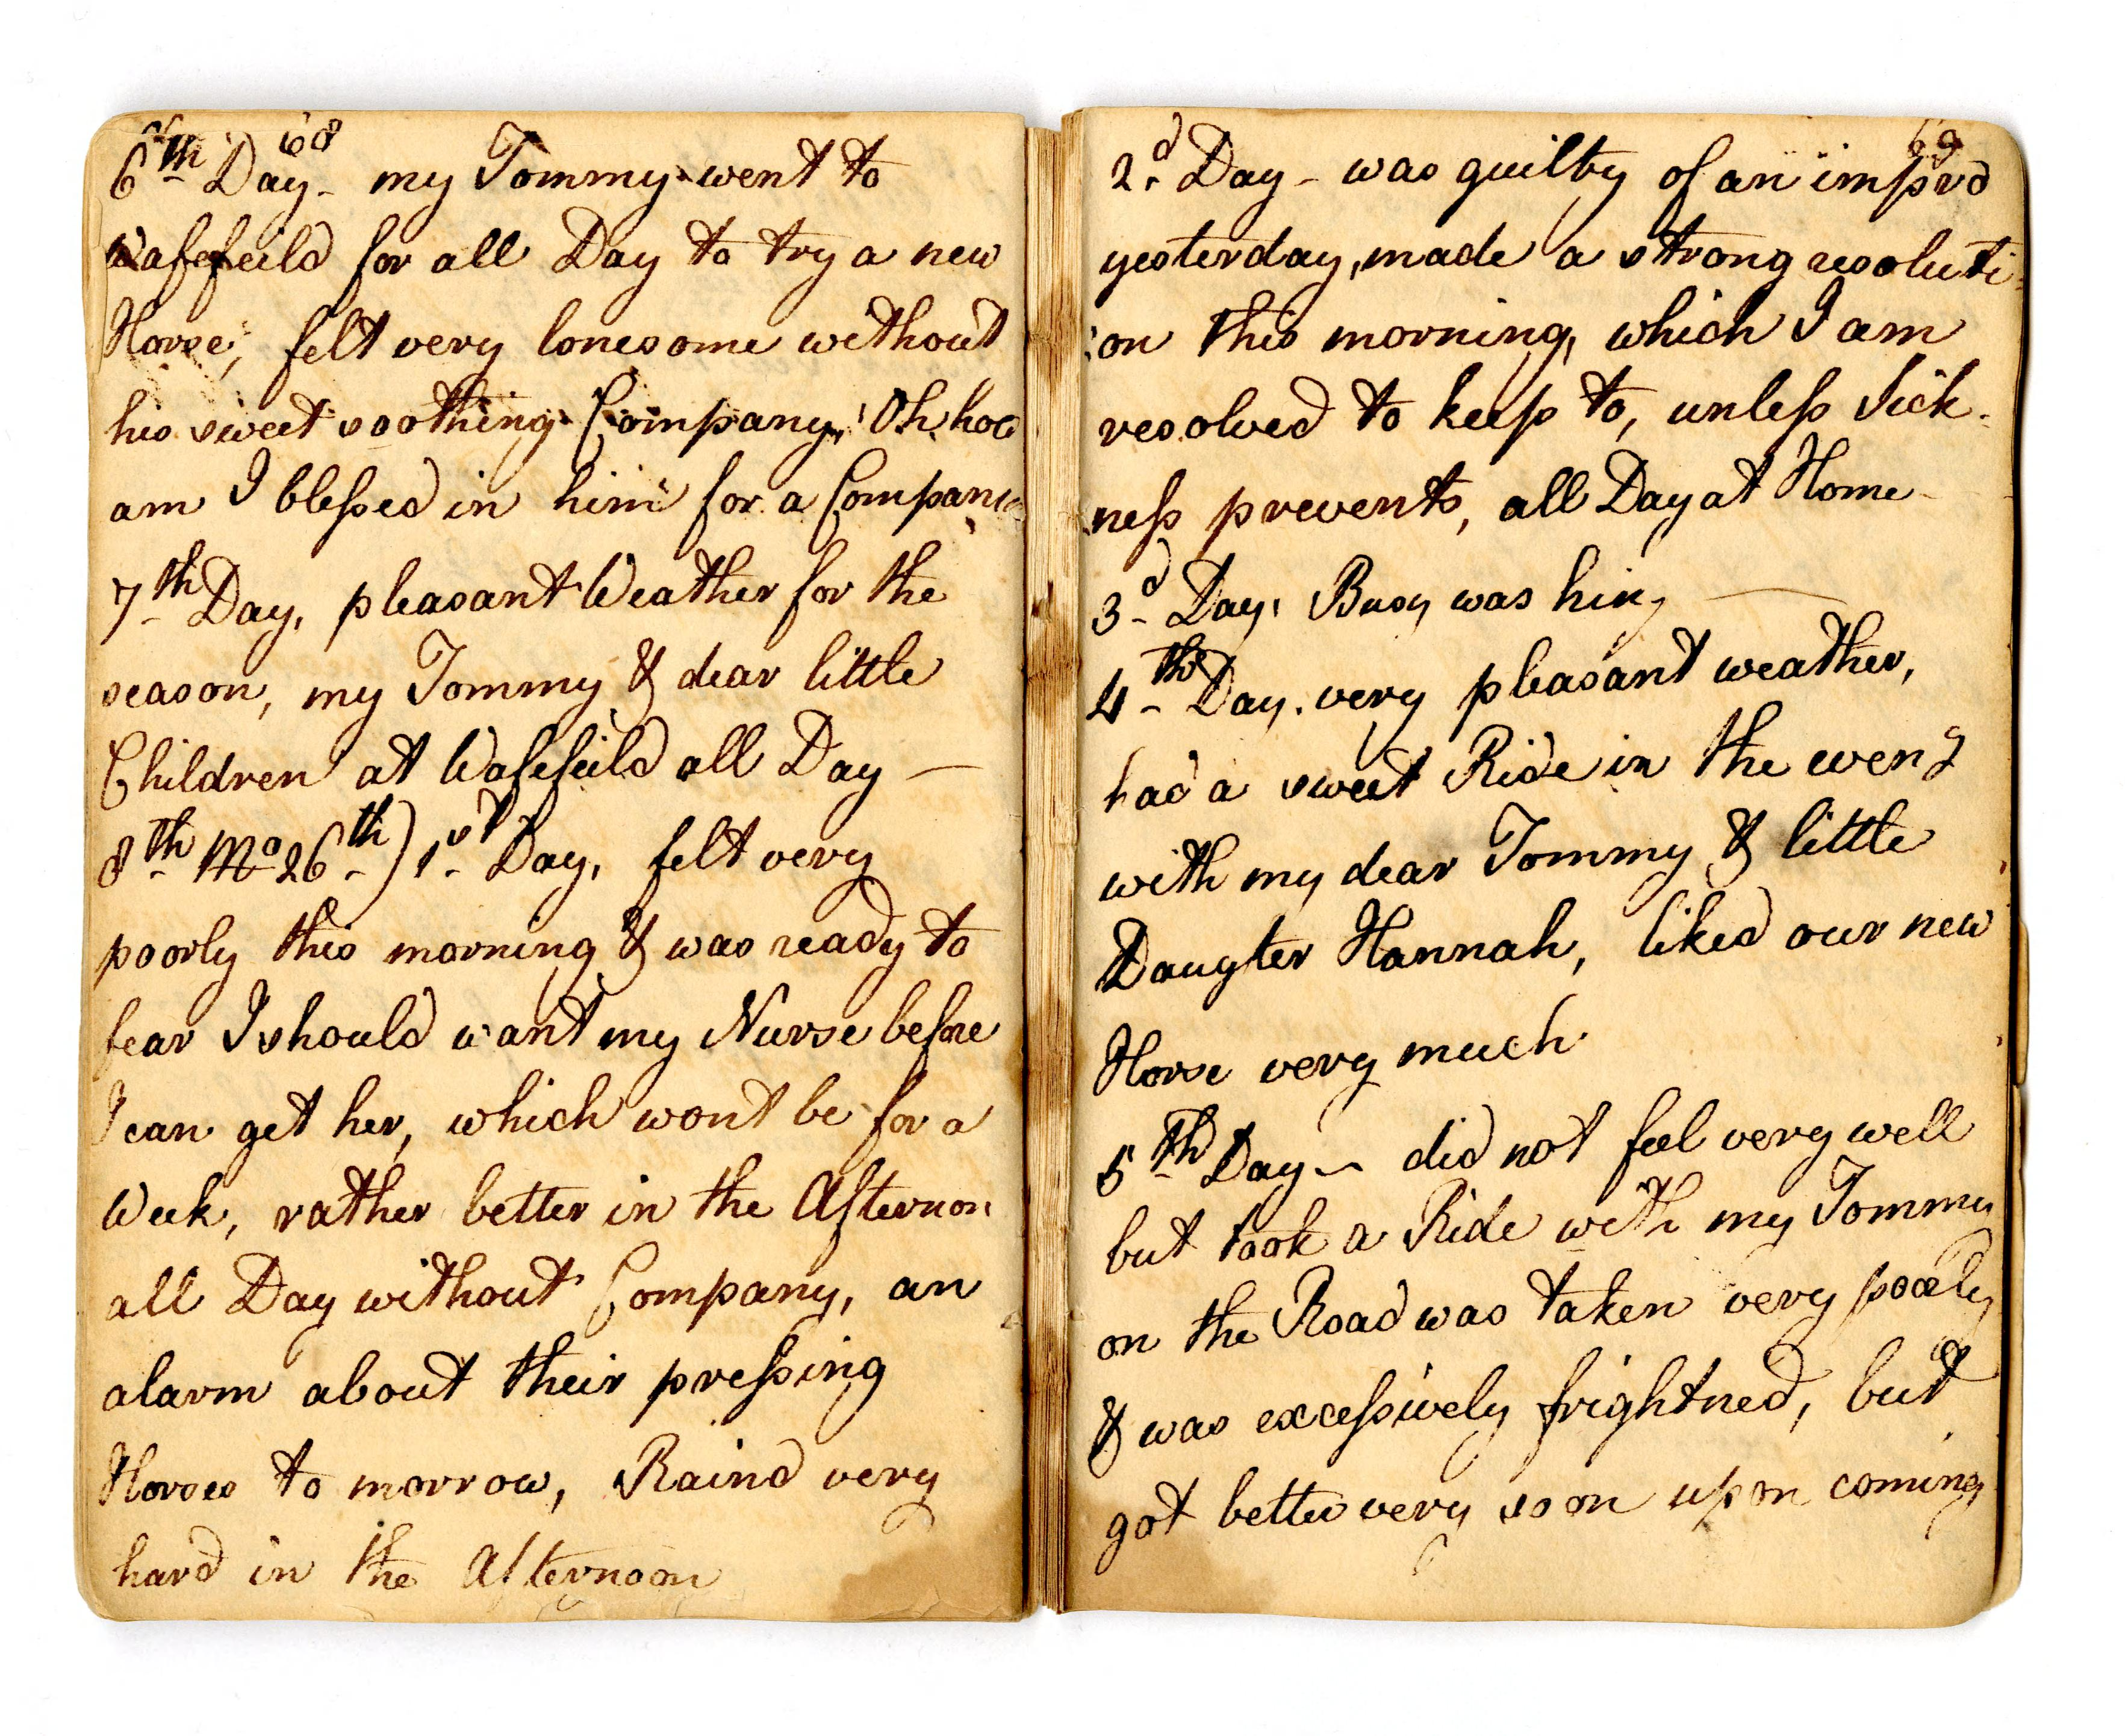6^th Day- my Tommy went to
Wafefeild for all Day to try a new
Horse, felt very lonesome without
his sweet soothing Company, Oh how
am I blessed in him for a Company
7^th Day, pleasant Weather for the
season, my Tommy & dear little
Children at Wafefeild all Day
8^th M^o 26^th) 1^st Day, felt very
poorly this morning & was ready to
fear I should want my Nurse before
I can get her, which wont be for a
Week, rather better in the Afternon
all Day without Company, an
alarm about their pressing
Horses to morrow, Raind very
hard in the Afternoon
2^d. Day- was guilty of an impro
yesterday, made a strong resoluti-
-on this morning, which I am
resolved to keep to, unless Sick-
ness prevents, all Day at Home
3^d Day, Busy was hin
4^th Day, very pleasant weather,
had a sweet Ride in the even^g
with my dear Tommy & little
Daughter Hannah, liked our new
Horse very much
5^th Day- did not feel very well
but took a Ride with my Tommy
on the Road was taken very poorly
& was excessively frightned, but
got better very soon upon coming